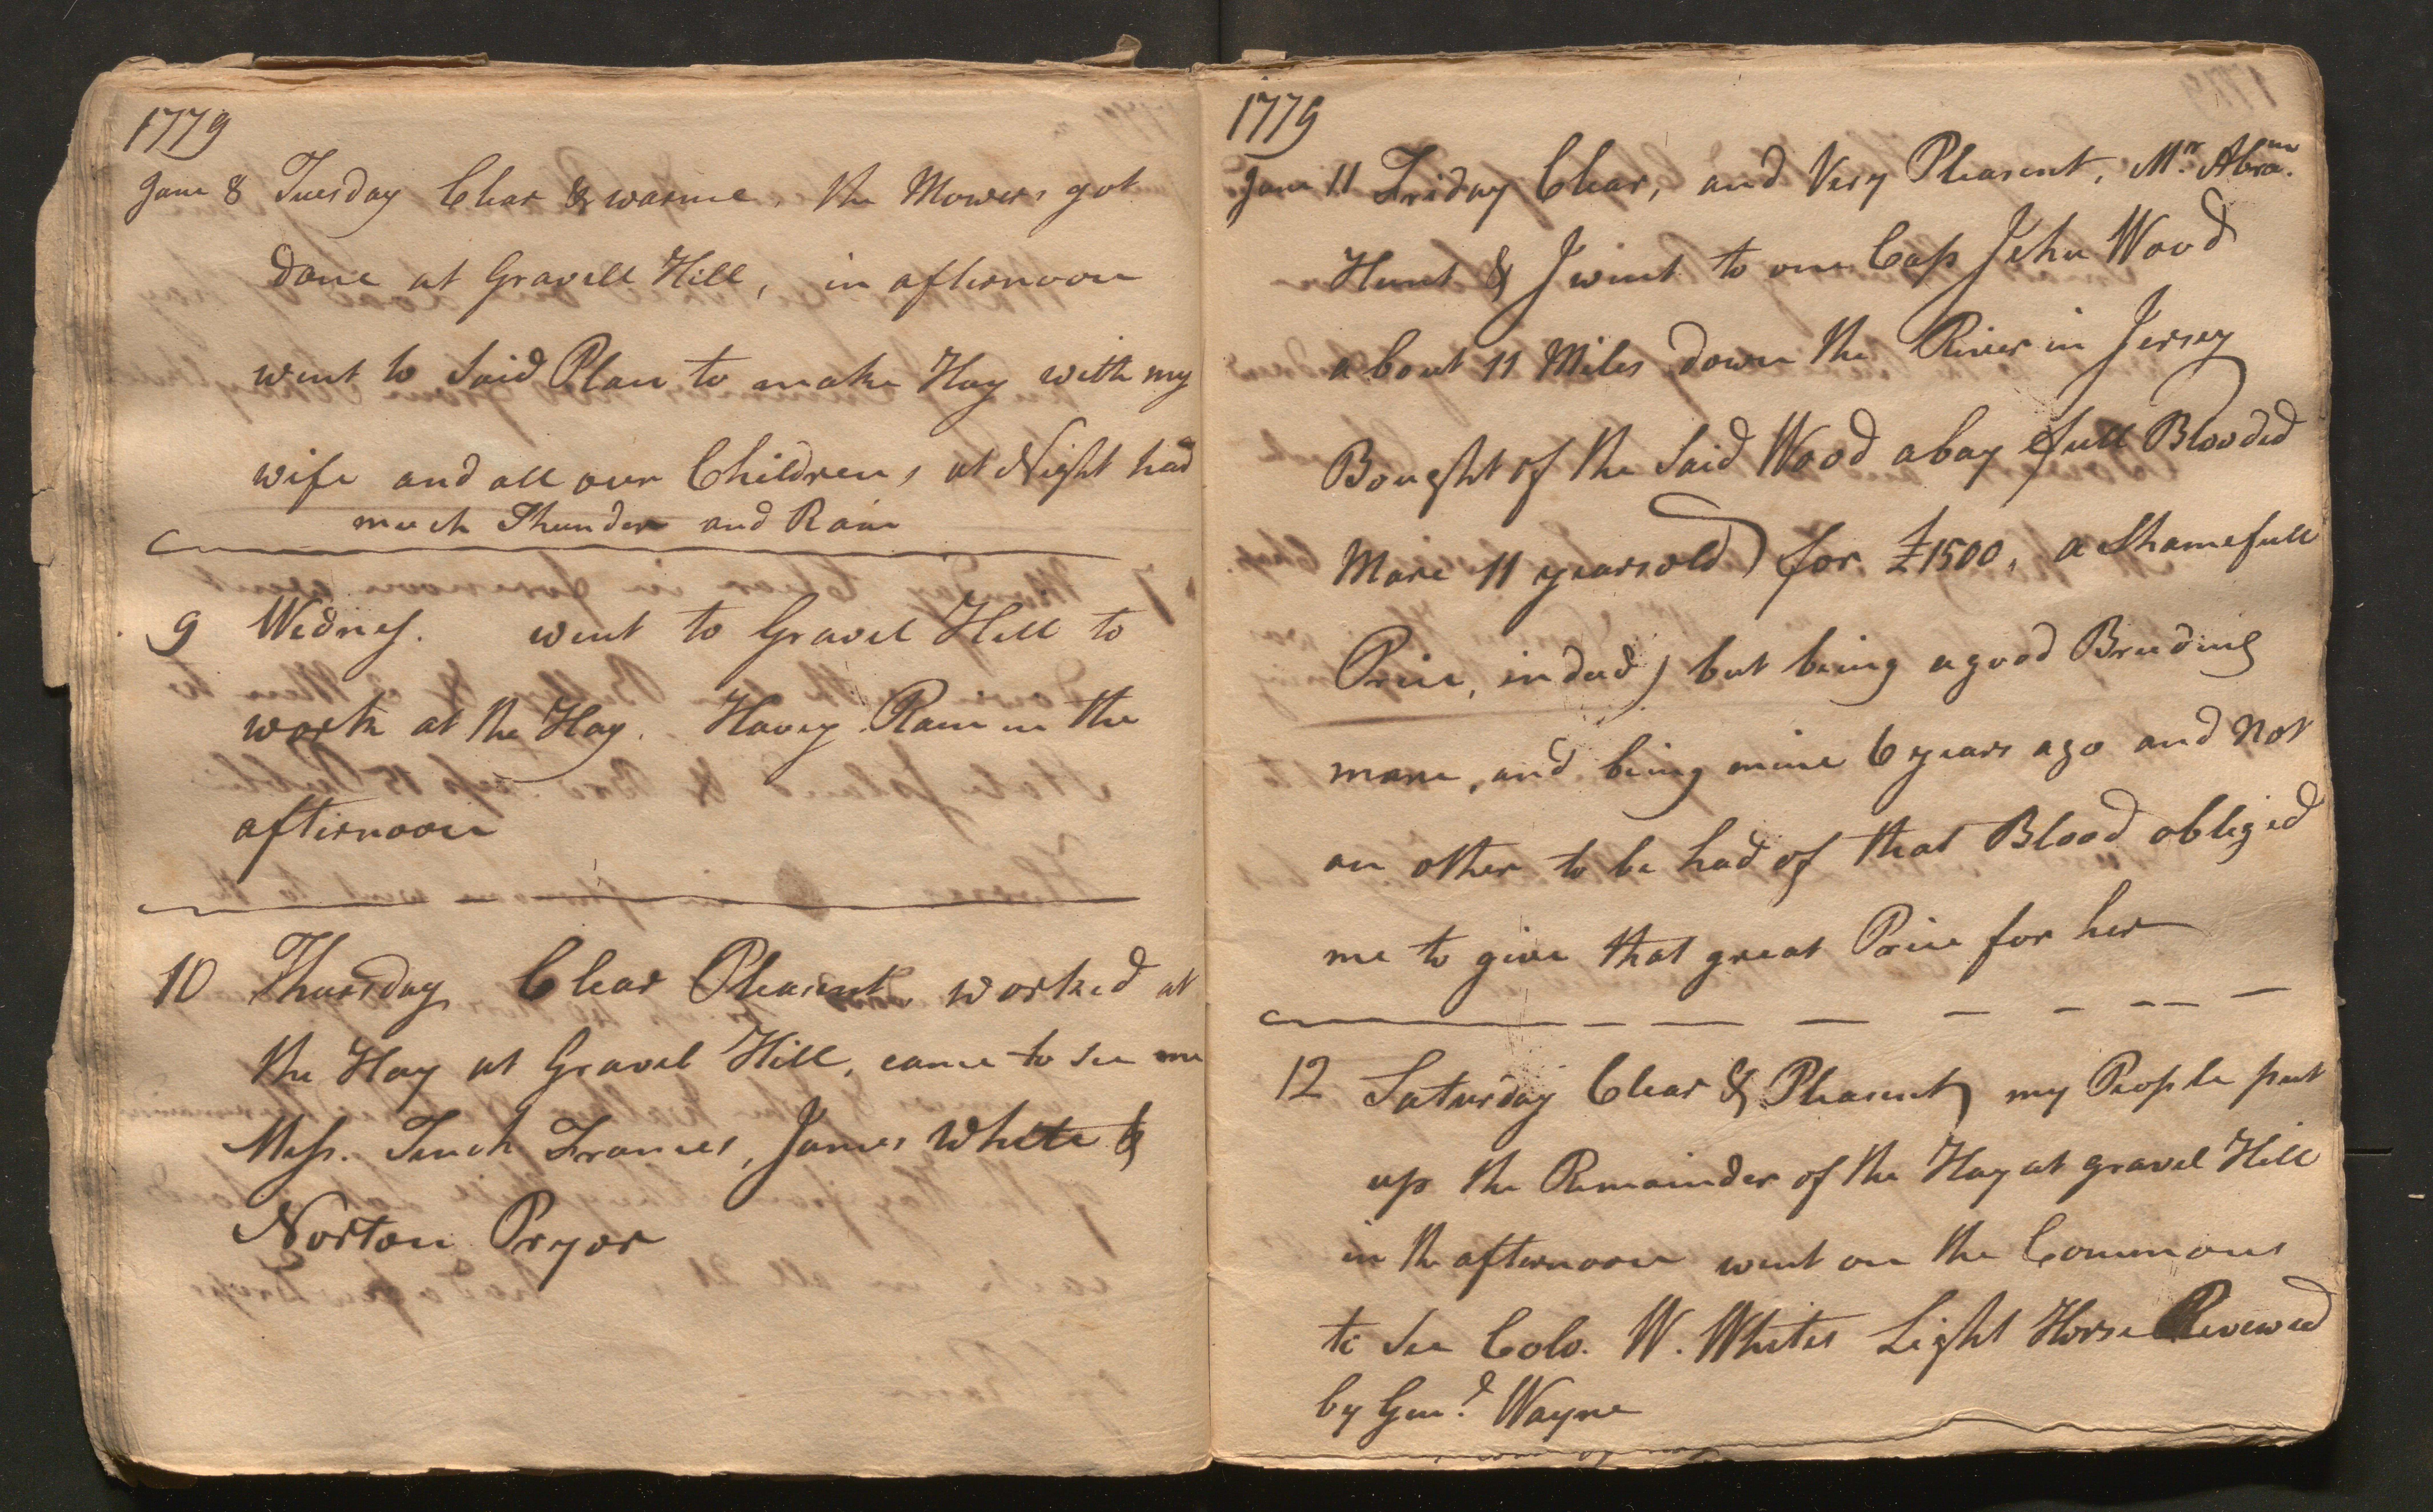1779
June 8 Tuesday Clear & warme. the Mowers got
done at Gravell Hill, in afternoon
went to said Place to make Hay with my
wife and all our Children, at Night had
much Thunder and Rain
9 Wednes. went to Gravel Hill to
work at the Hay. Havy Rain in the
afternoon
10 Thursday. Clear Pleasent, worked at
the Hay at Gravel Hill, came to see me
Mess. Tench Frances, James White &
Norton Pryor
1779
June 11 Friday Clear, and Very Pleasent, M^r. Abra^m.
Hunt & I went to one Cap Jehu Wood
about 11 Miles down the River in Jersey
Bought of the Said Wood a bay full Blooded
Mare 11 years old for £1500, a Shamefull
Price, inded) but being a good Breeding
mare, and being mine 6 years ago and not
an other to be had of that Blood obliged
me to give that great Price for her
12 Saturday Clear & Pleasent my People put
up the Remainder of the Hay at gravel Hill
in the afternoon went on the Commons
to see Colo. W. Whites Light Horse Revewed
by Gen^l. Wayne